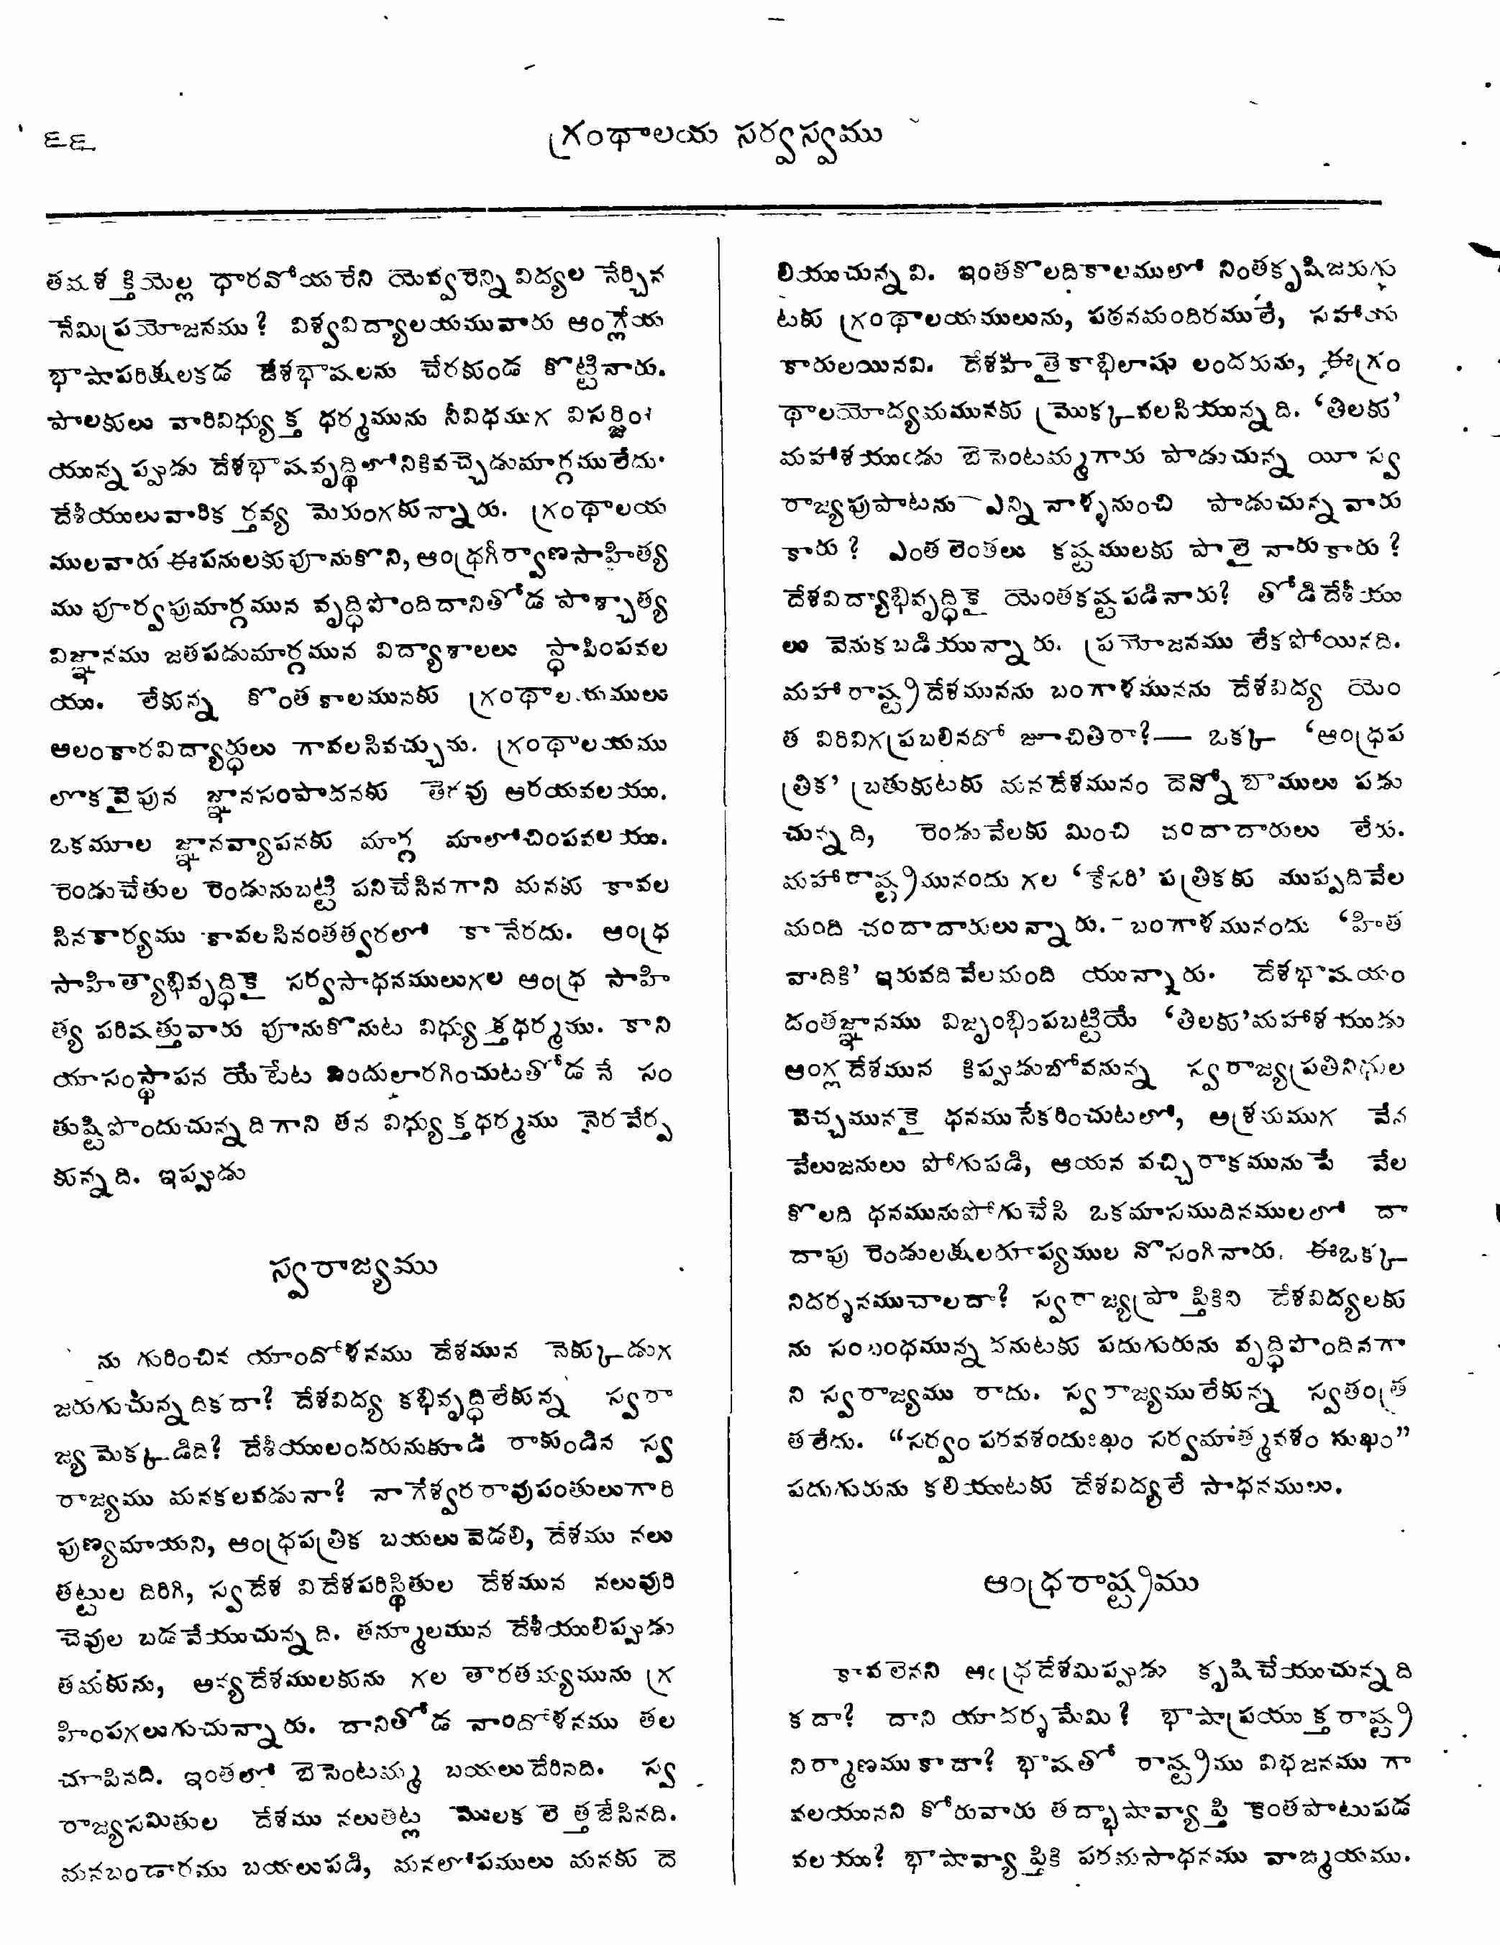తమశక్తియెల్ల ధారవోయలేని యెవ్వరెన్ని విద్యల నేర్చిననేమి ప్రయోజనము? విశ్వవిద్యాలయమువారు ఆంగ్లేయ భాషాపరిక్షలకడ దేశభాషలను చేరకుండ కొట్టినారు. పాలకులు వారివిధ్యుక్త ధర్మమును నీవిధముగ విసర్జింయున్నప్పుడు దేశభాషవృద్ధిలోనికివచ్చెడు మార్గము లేదు. దేశీయులు వారికర్తవ్యమెరుంగకున్నారు. గ్రంథాలయములవారు ఈపనులకు పూనుకొని, ఆంధ్రగీర్వాణ సాహిత్యము పూర్వపుమార్గమున వృద్ధిపొంది దానితోడ పాశ్చాత్యవిజ్ఞానము జతపడుమార్గమున విద్యాశాలలు స్థాపింపవలయు. లేకున్న కొంత కాలమునకు గ్రంథాలయములు అలంకారవిద్యార్ధులు గావలసివచ్చును. గ్రంథాలయము లొకవైపున జ్ఞానసంపాదనకు తెగువు ఆరయవలయు. ఒకమూల జ్ఞానవ్యాపనకు మార్గ మాలోచింపవలయు. రెండుచేతుల రెండునుబట్టి పనిచేసినగాని మనకు కావలసిన కార్యము కావలసినంతత్వరలో కానేరదు. ఆంధ్ర సాహిత్యాభివృద్ధికై సర్వసాధనములుగల ఆంధ్ర సాహిత్య పరిషత్తువారు పూనుకొనుట విధ్యుక్తధర్మము. కాని యాసంస్థాపన యేటేట విందులారగించుటతోడనే సంతుష్టి పొందుచున్నది గాని తన విధ్యుక్తధర్మము నెరవేర్ప
కున్నది. ఇప్పుడు

ను గురించిన యాందోళనము దేశమున నెక్కుడుగ జరుగుచున్నదికదా? దేశవిద్య కభివృద్ధిలేకున్న స్వరాజ్యమెక్కడిది? దేశీయులందరునుకూడి రాకుండిన స్వరాజ్యము మనకలవడునా? నాగేశ్వరరావు పంతులుగారి పుణ్యమాయని, ఆంధ్రపత్రిక 
బయలువెడలి, దేశము నలుతట్టుల దిరిగి, స్వదేశ విదేశపరిస్థితులు దేశమున నలువురి చెవుల బడవేయుచున్నది. తన్మూలమున దేశీయులిప్పుడు తమకును, అన్యదేశములకును గల తారతమ్యమును గ్రహింపగలుగుచున్నారు. దానితోడ నా౦దోళనము తల
చూపినది. ఇంతలో బెసెంటమ్మ బయలుదేరినది. స్వారాజ్యసమితుల దేశము నలుతట్లు మొలక లెత్తజేసినది. మనబండారము బయలుపడి, మనలోపములు మనకు దెలియుచున్నవి. ఇంతకొలదికాలములో నింతకృషిజరుగుటకు గ్రంథాలయములును, పఠనమందిరములే, సహాయకారులయినవి. దేశహితైకాభిలాషు లందరును, ఈగ్రంథాలయోద్యమమునకు మ్రొక్కవలసియున్నది. 'తిలకు' మహాశయుఁడు బెసెంటమ్మగారు పాడుచున్న యీస్వరాజ్యపుపాటను ఎన్నినాళ్ళనుంచి పాడుచున్నవారు కారు? ఎంత లెంకలు కష్టములకు పాలైనారు కారు? దేశవిద్యాభివృద్ధికై యెంత కష్టపడినారు? తోడిదేశీయులు వెనుకబడియున్నారు. ప్రయోజనము లేకపోయినది. మహారాష్ట్ర దేశమునను బంగాళమునను దేశవిద్య యెంత విరివిగ ప్రబలినదో జూచితిరా? - ఒక్క 'ఆంధ్రపత్రిక' బ్రతుకుటకు మనదేశమునం దెన్నో బొములు పడు చున్నది. రెండు వేలకు మించి చందాదారులు లేరు. మహారాష్ట్రమునందు
గల 'కేసరి' పత్రికకు ముప్పదివేల మంది చందాదారులున్నారు. బంగాళమునందు 'హితవాదికి' ఇరువది వేలమంది యున్నారు. దేశభాషయందంతజ్ఞానము విజృంభింపబట్టియే 'తిలకు' మహాశేయుడు ఆంగ్లదేశమున కిప్పుడుబోవనున్న స్వరాజ్యప్రతినిధుల వెచ్చమునకై ధనము సేకరించుటలో, ఆశ్రమముగ వేన వేలుజనులు పోగుపడి, ఆయన వచ్చి రాకమునుపే వేలకొలది ధనమునుపోగుచేసి ఒక మాసముదినములలో దాదాపు రెండులక్షలరూప్యముల నొసంగినారు. ఈఒక్క నిదర్శనముచాలదా? స్వరాజ్యప్రాప్తికిని దేశవిద్యలకును సంబంధమున్న పనుటకు పదుగురును వృద్ధిపొందినగాని స్వరాజ్యము రాదు. స్వరాజ్యములేకున్న స్వతంత్రతలేదు. “సర్వం పరవశందుఃఖం సర్వమాత్మవశం సుఖం” పదుగురును కలియుటకు దేశవిద్యలే సాధనములు,

కావలెనని ఆంధ్రదేశమిప్పుడు కృషిచేయంచున్నది కదా? దాని యాదర్శమేమి ? భాషాప్రయుక్తరాష్ట్ర నిర్మాణము కాదా? భాషతో రాష్ట్రము విభజనము గావలయునని కోరువారు తద్భాషావ్యాప్తి కొంతపాటుపడ వలయు? భాషావ్యాప్తికి పరమసాధనము వాఙ్మయము.